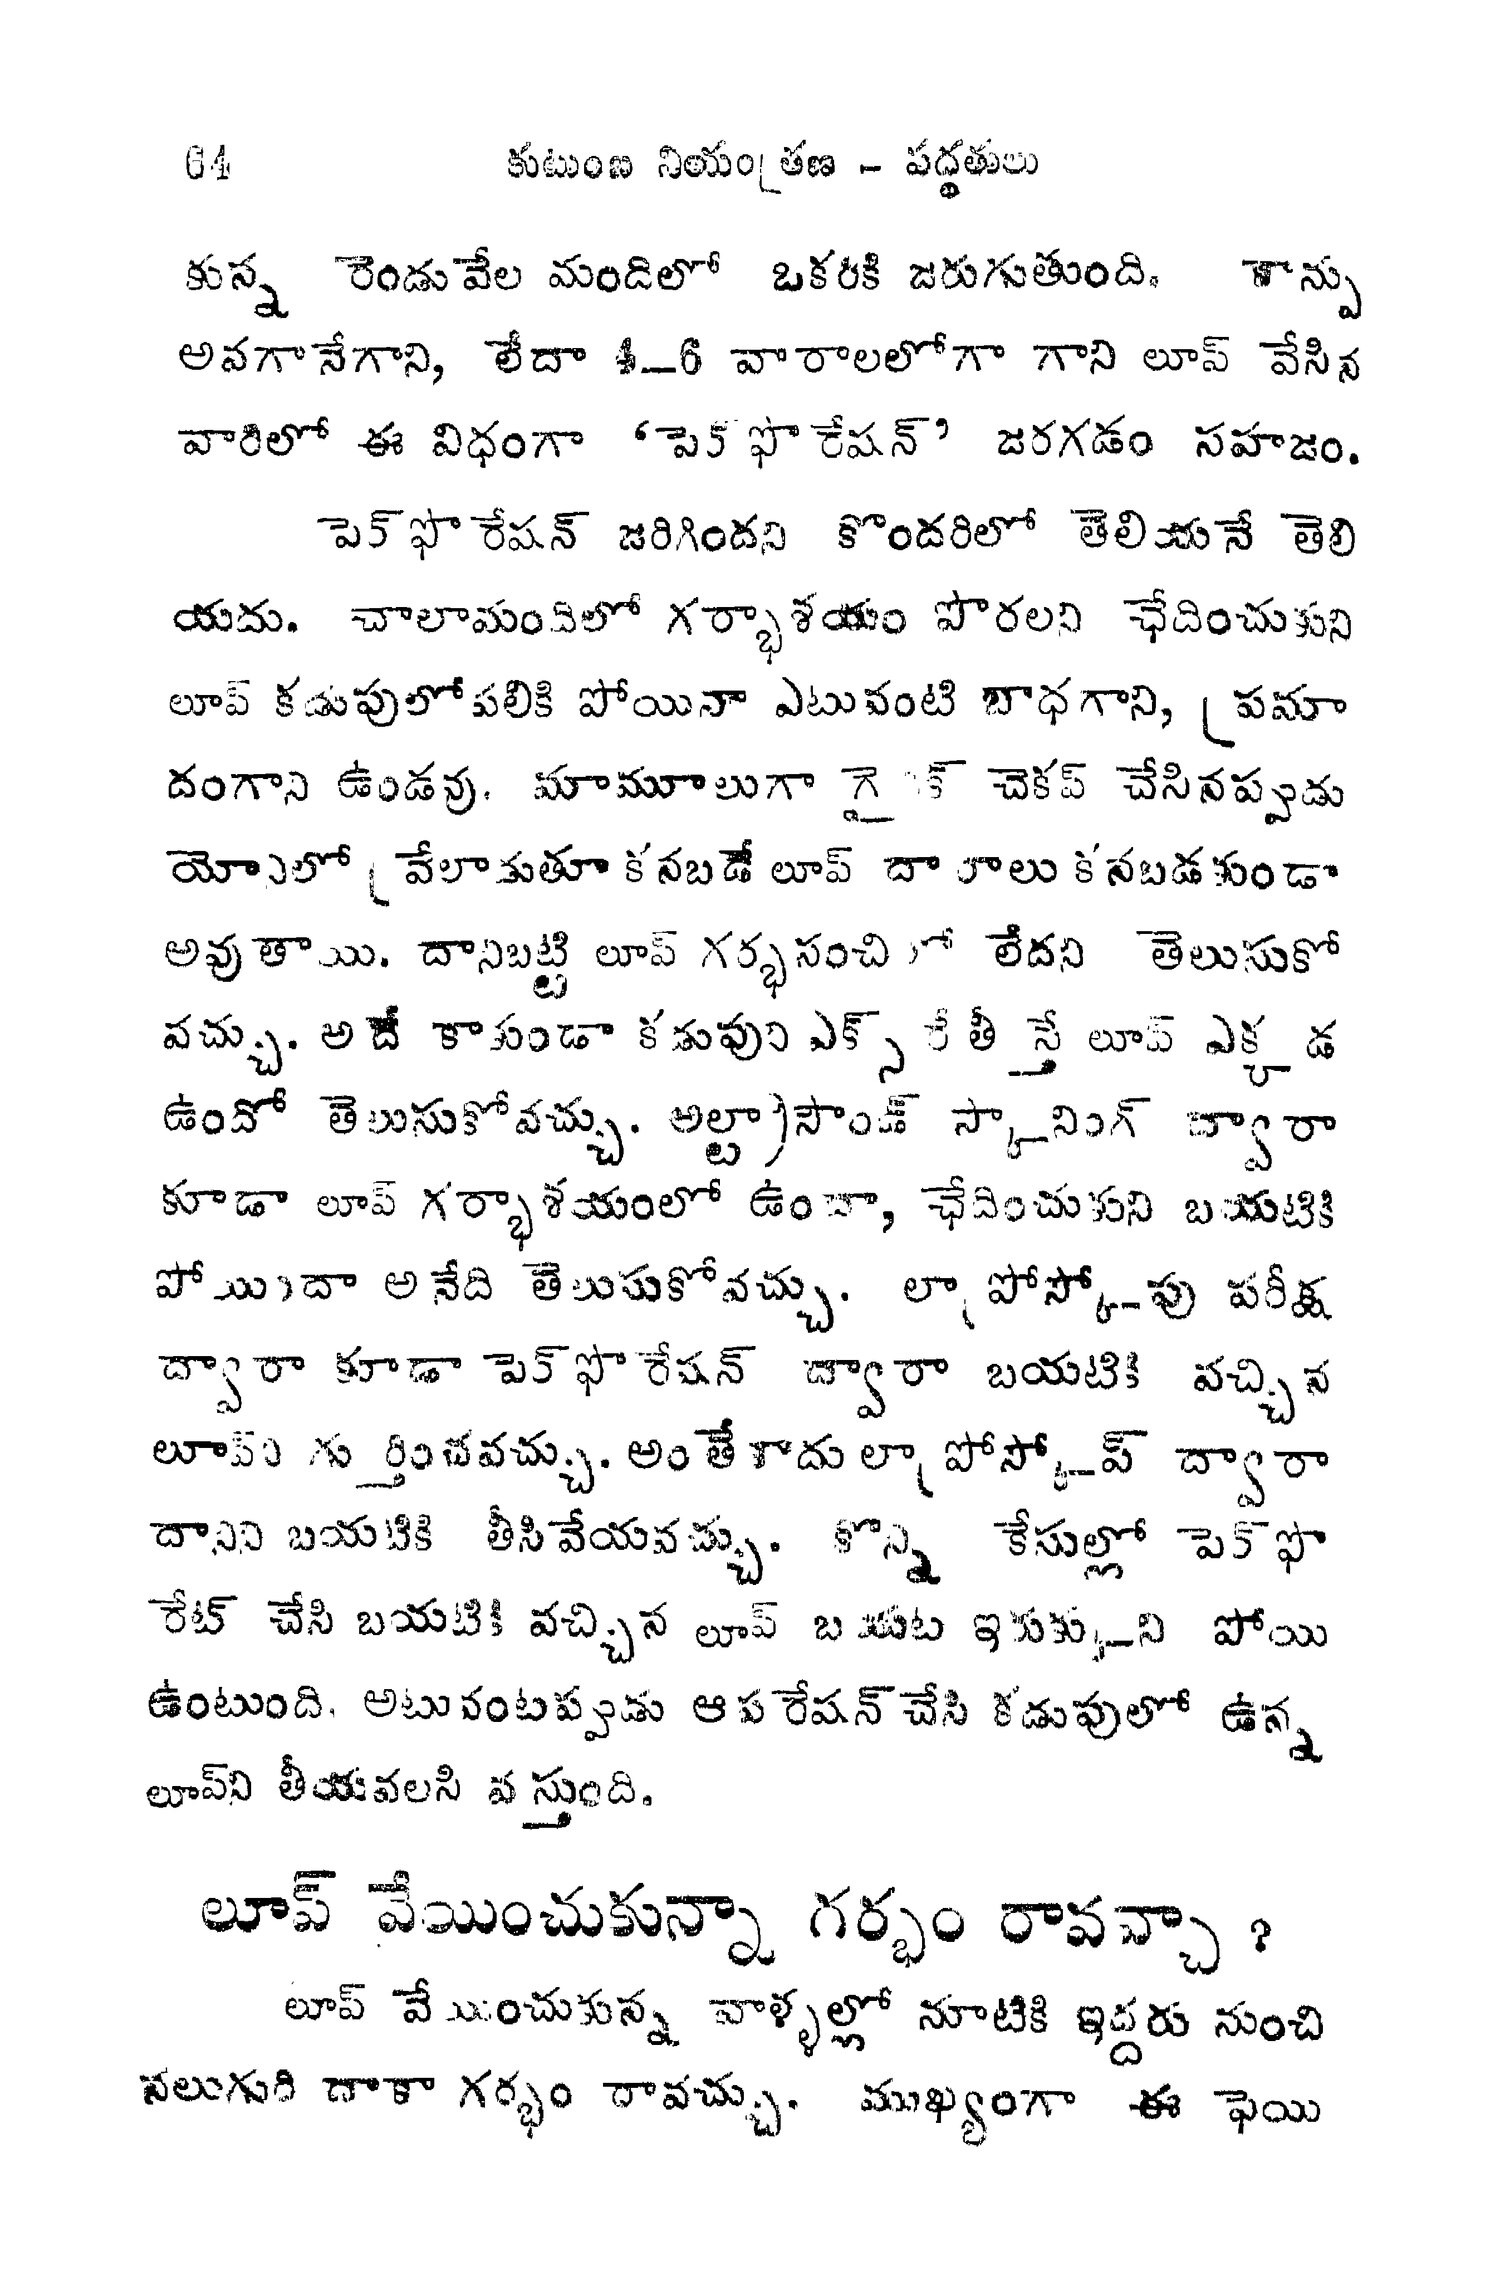కున్న రెండు వేల మందిలో ఒకరికి జరుగుతుంది. కాన్పు అవగానేగాని, లేదా 4-6 వారాలలోగ గాని లూప్ వేసిన వారిలో ఈ విధంగా 'పెర్ ఫోరేషన్ ' జరగడం సహజం.

పెర్‌ఫొరేషన్ జరిగిందని కొందరిలో తెలియనే తెలియదు. చాలామందిలో గర్భాశయం పొరలని చేదించుకుని లూప్ కడుపులోపలికి పోయినా ఎటువంటి బాధగాని, ప్రమాదంగాని ఉండవు. మామూలుగా గైనిక్ చెకప్ చేసినప్పుడు యోనిలో వ్రేలాడుతూ కనబడే లూప్ దారాలు కనబడకుండా అవుతాయి. దానిబట్టి లూప్ గర్బసంచిలో లేదని తెలుసుకోవచ్చు. అదే కాకుండా కడుపుని ఎక్స్‌రే తీస్తే లూప్ ఎక్కడ ఉందో తెలుసుకోవచ్చు. అల్ట్రాసౌండ్ స్కానింగ్ ద్వారా కూడా లూప్ గర్భాశయంలో ఉందా, చేదించుకుని బయటికి పోయిందా అనేది తెలుసుకో వచ్చు. లాప్రోస్కోపు పరీక్ష ద్వారా కూడా పెర్‌ఫొరేషన్ ద్వారా బయటికి వచ్చిన లూప్‌ని గుర్తించవచ్చు. అంతేకాదు లాప్రొస్కోప్ ద్వారా దానిని బయటికి తీసివేయవచ్చు. కొన్ని కేసుల్లో పెర్‌ఫొరేట్ చేసి బయటికి వచ్చిన లూప్ బయట ఇరుక్కుని పోయి ఉంటుంది. అటువంటప్పుడు ఆపరేషన్ చేసి కడుపులో ఉన్న లూప్‌ని తీయవలసి వస్తుంది.

లూప్ వేయించుకున్న వాళ్ళల్లో నూటికి ఇద్దరు నుంచి నలుగురి దాకా గర్భం రావచ్చు. ముఖ్యంగా ఈ ఫెయి